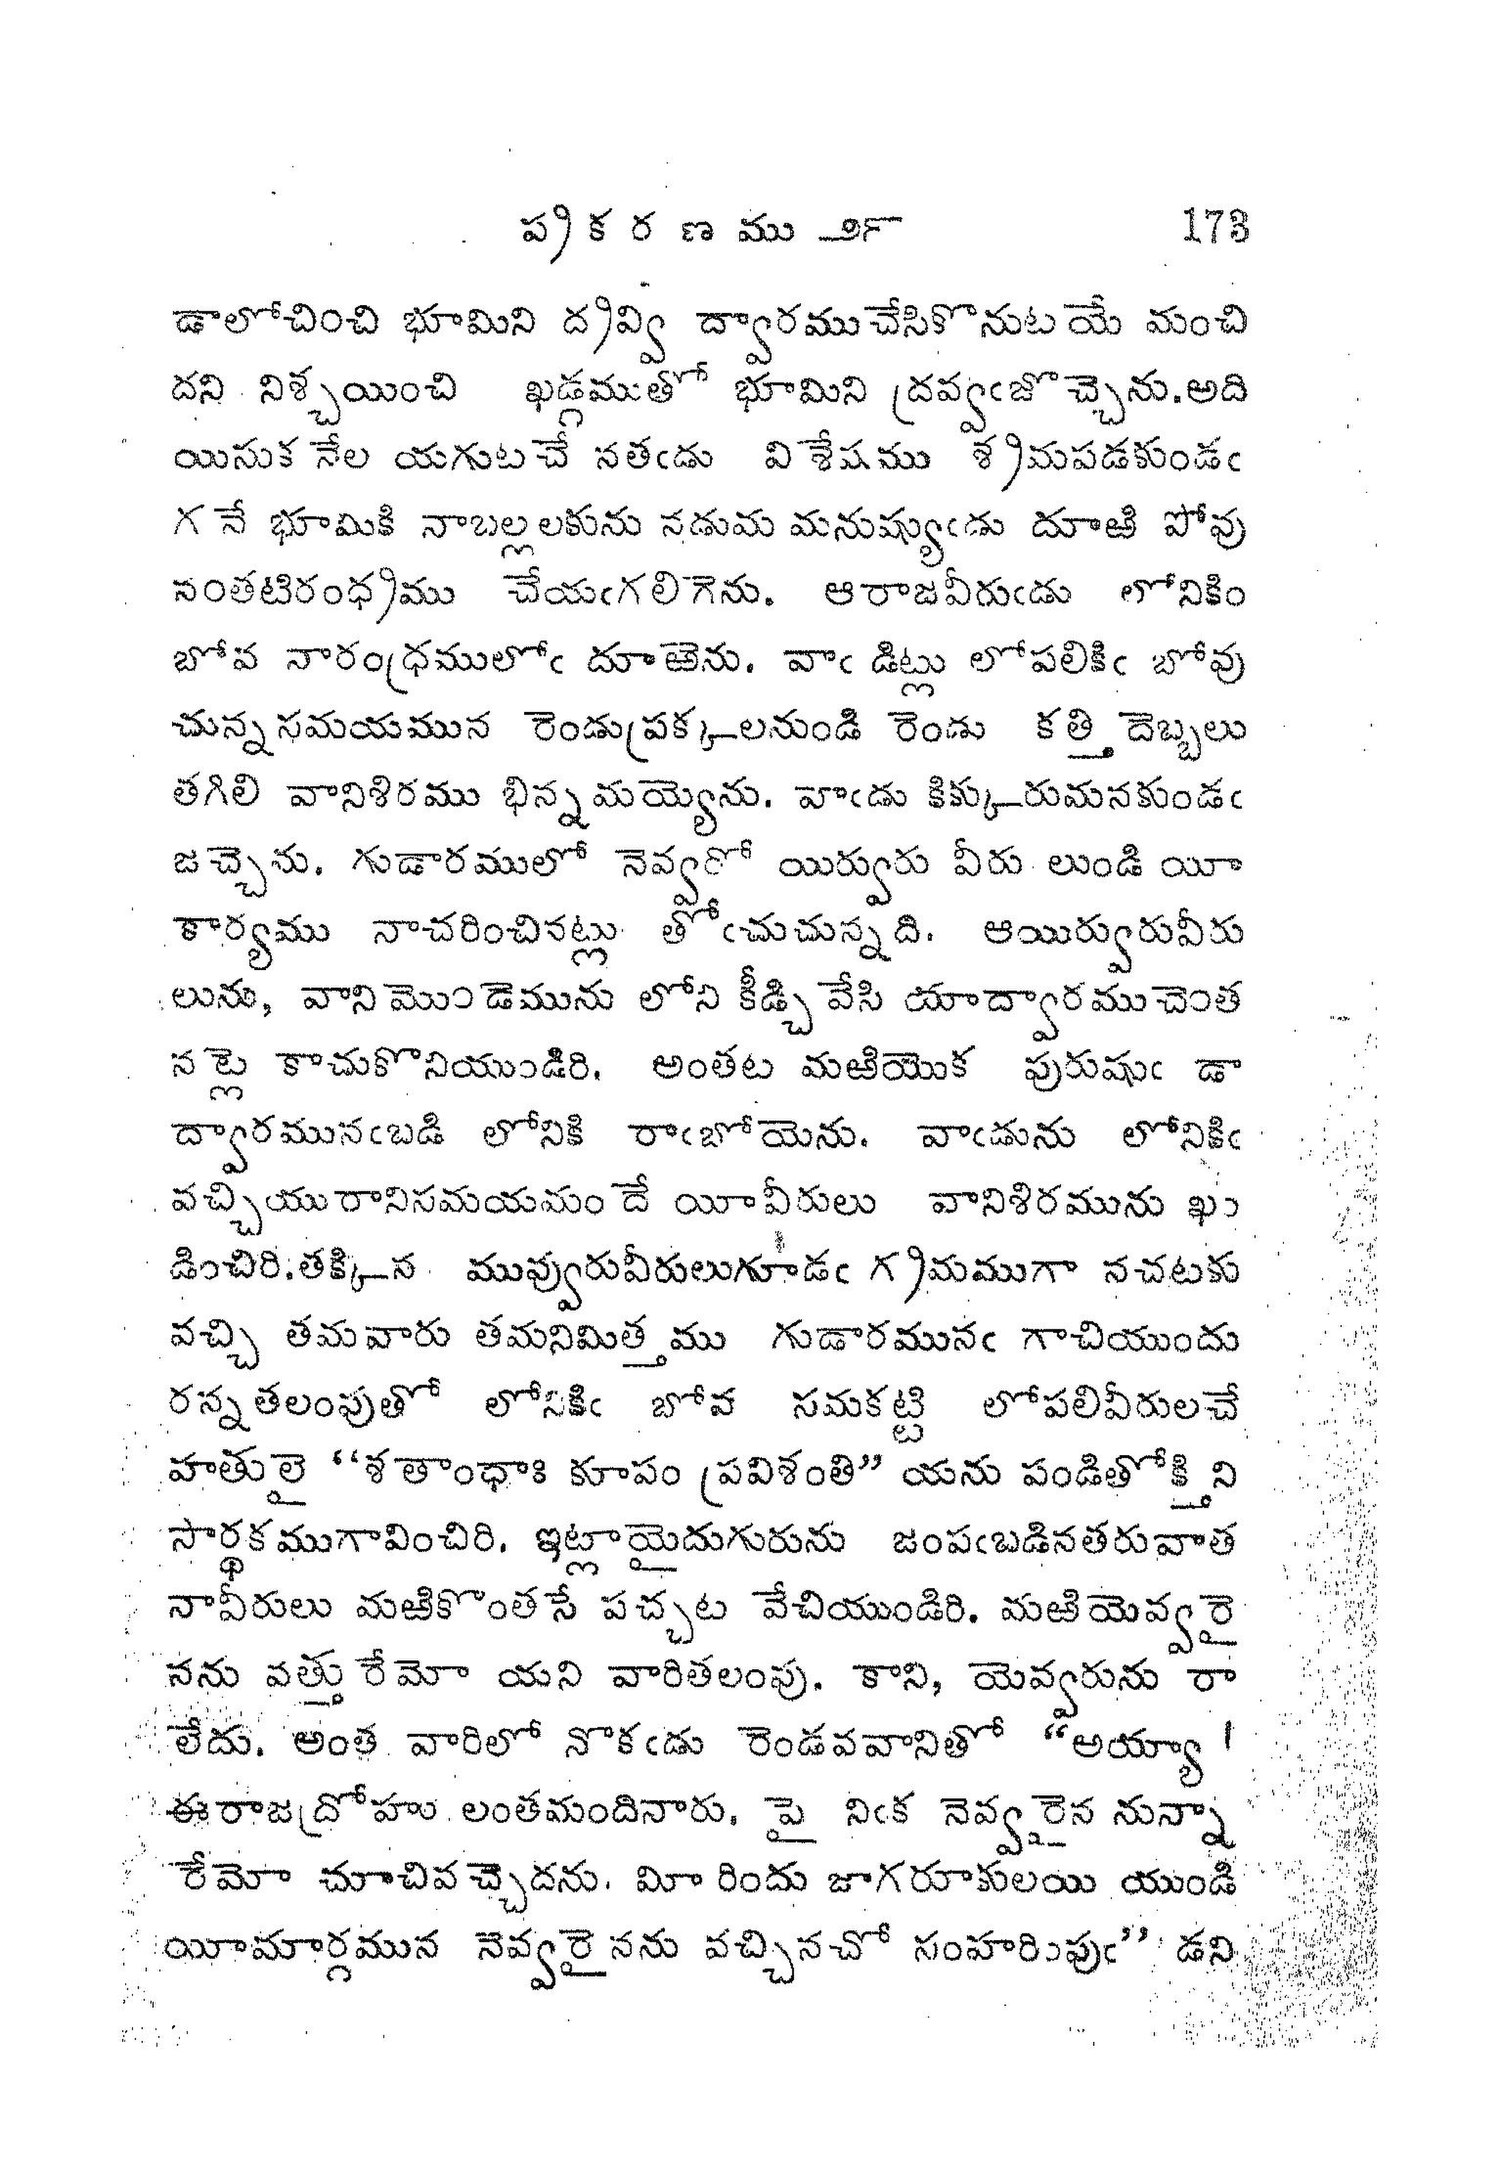డాలోచించి భూమిని దవ్వి ద్వారము చేసికొనుట యే మంచి
దని నిశ్చయించి ఖడ్గముతో భూమిని ద్రవ్వఁ జొచ్చెను. అది
యిసుక నేల యగుట చే నతఁడు విశేషము శ్రమపడకుండఁ
గనే భూమికి నాబల్ల లకును నడుమ మనుష్యుఁడు దూఱి పోవు
నంతటిరంధము చేయఁగలిగెను. ఆ రాజవీగుఁడు లోనికిం
బోవ నారంధ్రములోఁ దూఱెను. వాఁడిట్లు లోపలికిఁ బోవు
చున్న సమయమున రెండు ప్రక్కలనుండి రెండు కత్తి దెబ్బలు
తగిలి వానిశిరము భిన్న మయ్యెను. వాడు కిక్కురుమనకుండఁ
జ చ్చెను. గుడారములో నెవ్వరో యిర్వురు వీరు లుండి యీ
కార్యము నాచరించినట్లు తోచుచున్నది. ఆయిర్వురు వీరు
లును, వాని మొండెమును లోని కీడ్చి వేసి యూద్వారము చెంత
నట్లె కాచుకొనియుండిరి. అంతట మఱియొక పురుషుఁ డా
ద్వారమునఁబడి లోనికి రాఁబోయెను. వాఁడును లోనికిఁ
వచ్చియు రానిసమయమందే యీ వీరులు వానిశిరమును ఖం
డించిరి, తక్కిన మువ్వురు వీరులుగూడం గ్రమముగా నచటకు
వచ్చి తమవారు తమనిమిత్తము గుడారమునఁ గాచియుందు
రన్న తలంపుతో లోకిఁ బోవ సమకట్టి
లోపలివీరులచే హతులై “శతాంఛారి కూపం ప్రవిశంతి" యను పండితోక్తిని
సార్థకము గావించిరి. ఇట్లా యైదుగురును జంపఁబడిన తరువాత
నావీరులు మికొంత సే పచ్చట వేచియుండిరి. మఱి యెవ్వరై
నను వత్తు రేమో యని వారితలంపు. కాని, యెవ్వరును రా
లేదు. అంత వారిలో నొకఁడు రెండవవానితో "అయ్యా !
ఈ రాజద్రోహు, లంతమందినారు. పై నిఁక నెవ్వరైన నున్నా
"రేమో చూచివ చ్చెదను. మా రిందు జాగరూకులయి యుండి
యీమార్గమున నెవ్వరైనను వచ్చినచో సంహరింపుఁ" డని